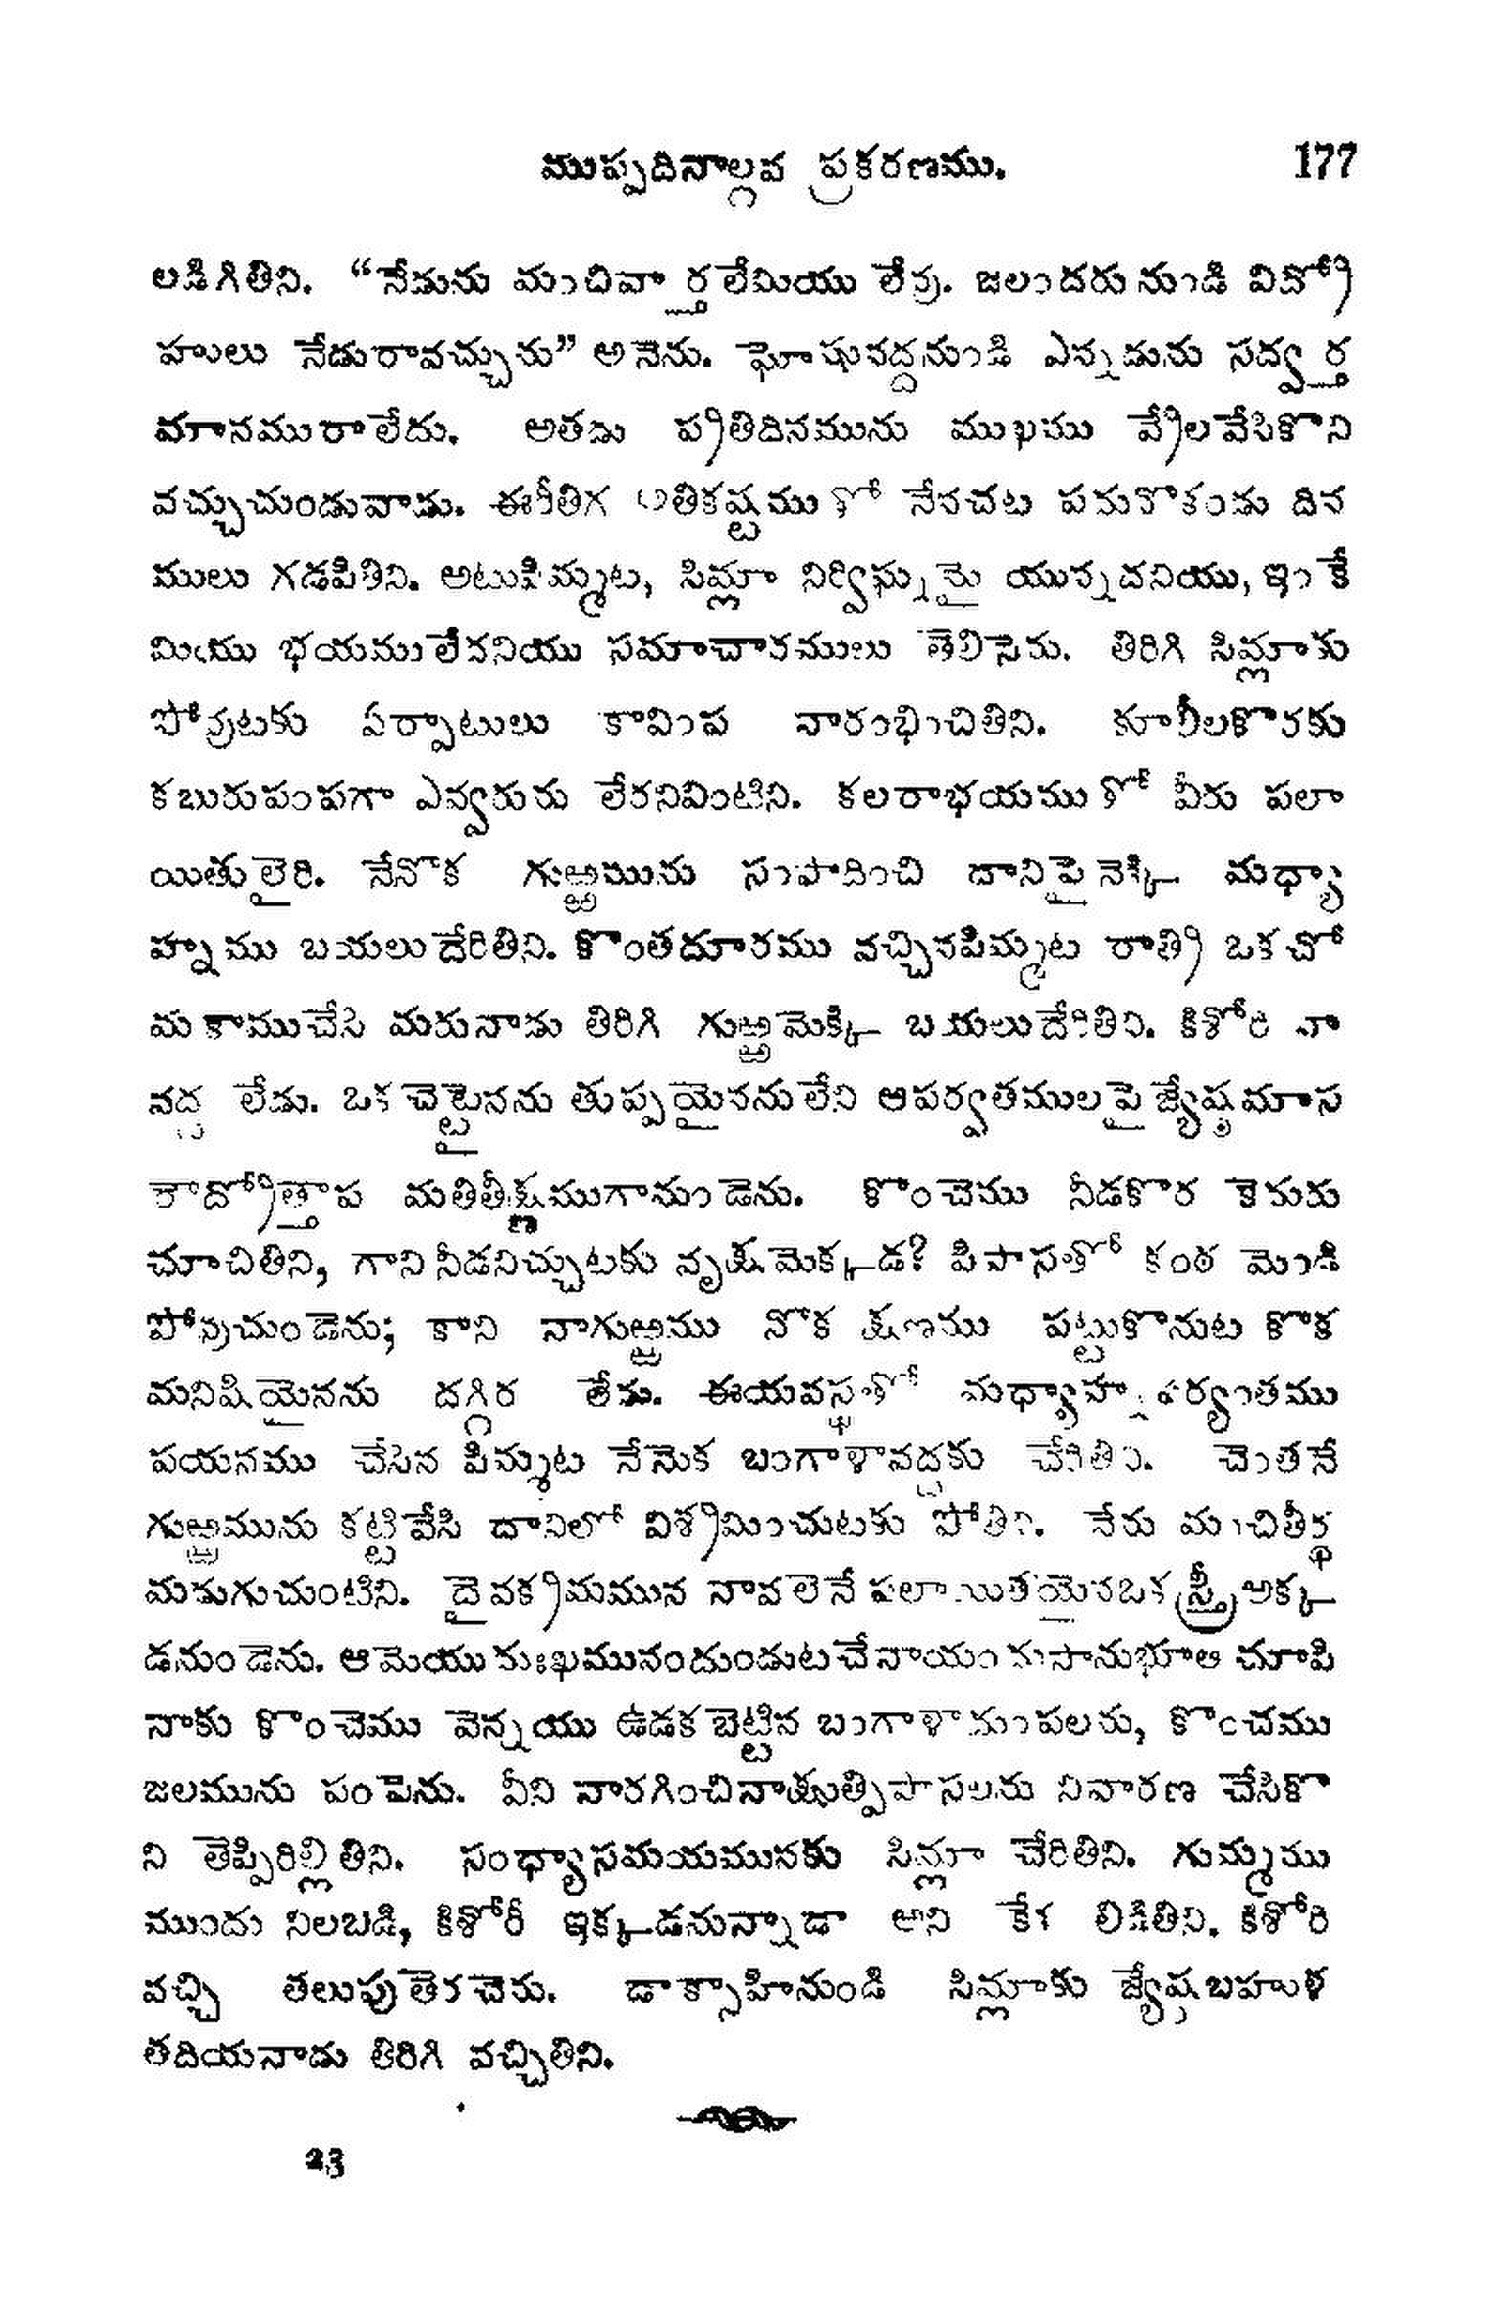లడిగితిని. “ నేడును మంచివార్తలేమియు లేవు. జలందరు నుండి విద్రో
హులు నేడు రావచ్చును” అనెను. ఘోషువద్దను.. ఎన్నడును సద్వర్త
మానమురాలేదు. అతడు ప్రతిదినమును ముఖము వ్రేల వేసికొని
వచ్చుచుండు వాడు. ఈ రీతిగ అతి కష్టముతో - "నేనచట పదునొకండు
దినములు గడపినిని. అటుపిమ్మట, సిమ్లా నిర్విఘ్నమై యున్నదనియు, 
ఇంకేమిఁయు భయము లేవనియు సమాచారము తెలిసెను. తిరిగి సీమ్లాను
పోవుటకు ఏర్పాటులు కావింప నారంభించితిని. కూలీలకొరకు
కబురుపంపగా ఎవ్వరును లేరని వింటిని. కలరా భయముతో వీరు పలా
యితు లైరి. 'నేనొక గుఱ్ఱమును సంపాదించి దాని పై నెక్కి మధ్యా
హ్నము బయలు దేరితిని. కొంత దూరము వచ్చిన పిమ్మట రాత్రి ఒక 
చోట మకాము చేసి మరునాడు తిరిగి గుర్ర మెక్కి బయలు దేరితిని. 
కిశోర నావద్ద లేడు. ఒక చెటైనను తుప్పయైనను లేని ఆపర్వతముల 
పై జ్యేష్ఠమాస రౌద్రోత్తాప మతితీక్లము గానుండెను. కొంచెము నీడకొర 
కెదురు చూచితిని, గాని నీడనిచ్చుటకు వృక్షమెక్కడ? పిపాసతో కంఠ 
మొండి పోవుచుండెను; కాని నాగుర్రము నోక క్షణము పట్టుకొనుట కొక
మనిషి యైనను లేడు. ఈయవస్థ మధ్యాహ్య పర్యంతము పయనము 
చేసిన పిమ్మట నేనొక బంగాళావద్దకు చేరితిని.గుర్రమును కట్టి వేసి దానిలో విశ్రమిచుటకు పోతిని. నేను మంచితీర్థ మడుగుచుంటిని. దైవక్రమమున
 నావలెనే పలాయిత యైన ఒక స్త్రీ అక్కడ నుండెను. ఆమె దుఃఖము
నుండుటచే నాయందు సానుభూతి చూపి నాకు కొంచెము వెన్నయు 
ఉడక బెట్టిన బంగాళాము ద్ంపలను, కొంచము జలమును పంపెను. 
వీని నారగించి నాక్షుత్పిపాసలను నివారణ చేసికొని 
తెప్పిరిల్లి తిని, సంధ్యా సమయమునకు సీన్లూ చేరితిని, గుమ్మము
ముందు నిలబడి, కిశోరీ ఇక్కడనున్నాడా అని కేక లిగితిని. కిశోర్
వచ్చి తలుపు తెరచెను. డాక్సాహినుండి సిమ్లాకు జ్యేష్ఠ బహుళతదియ
నాడు తిరిగి వచ్చితిని.